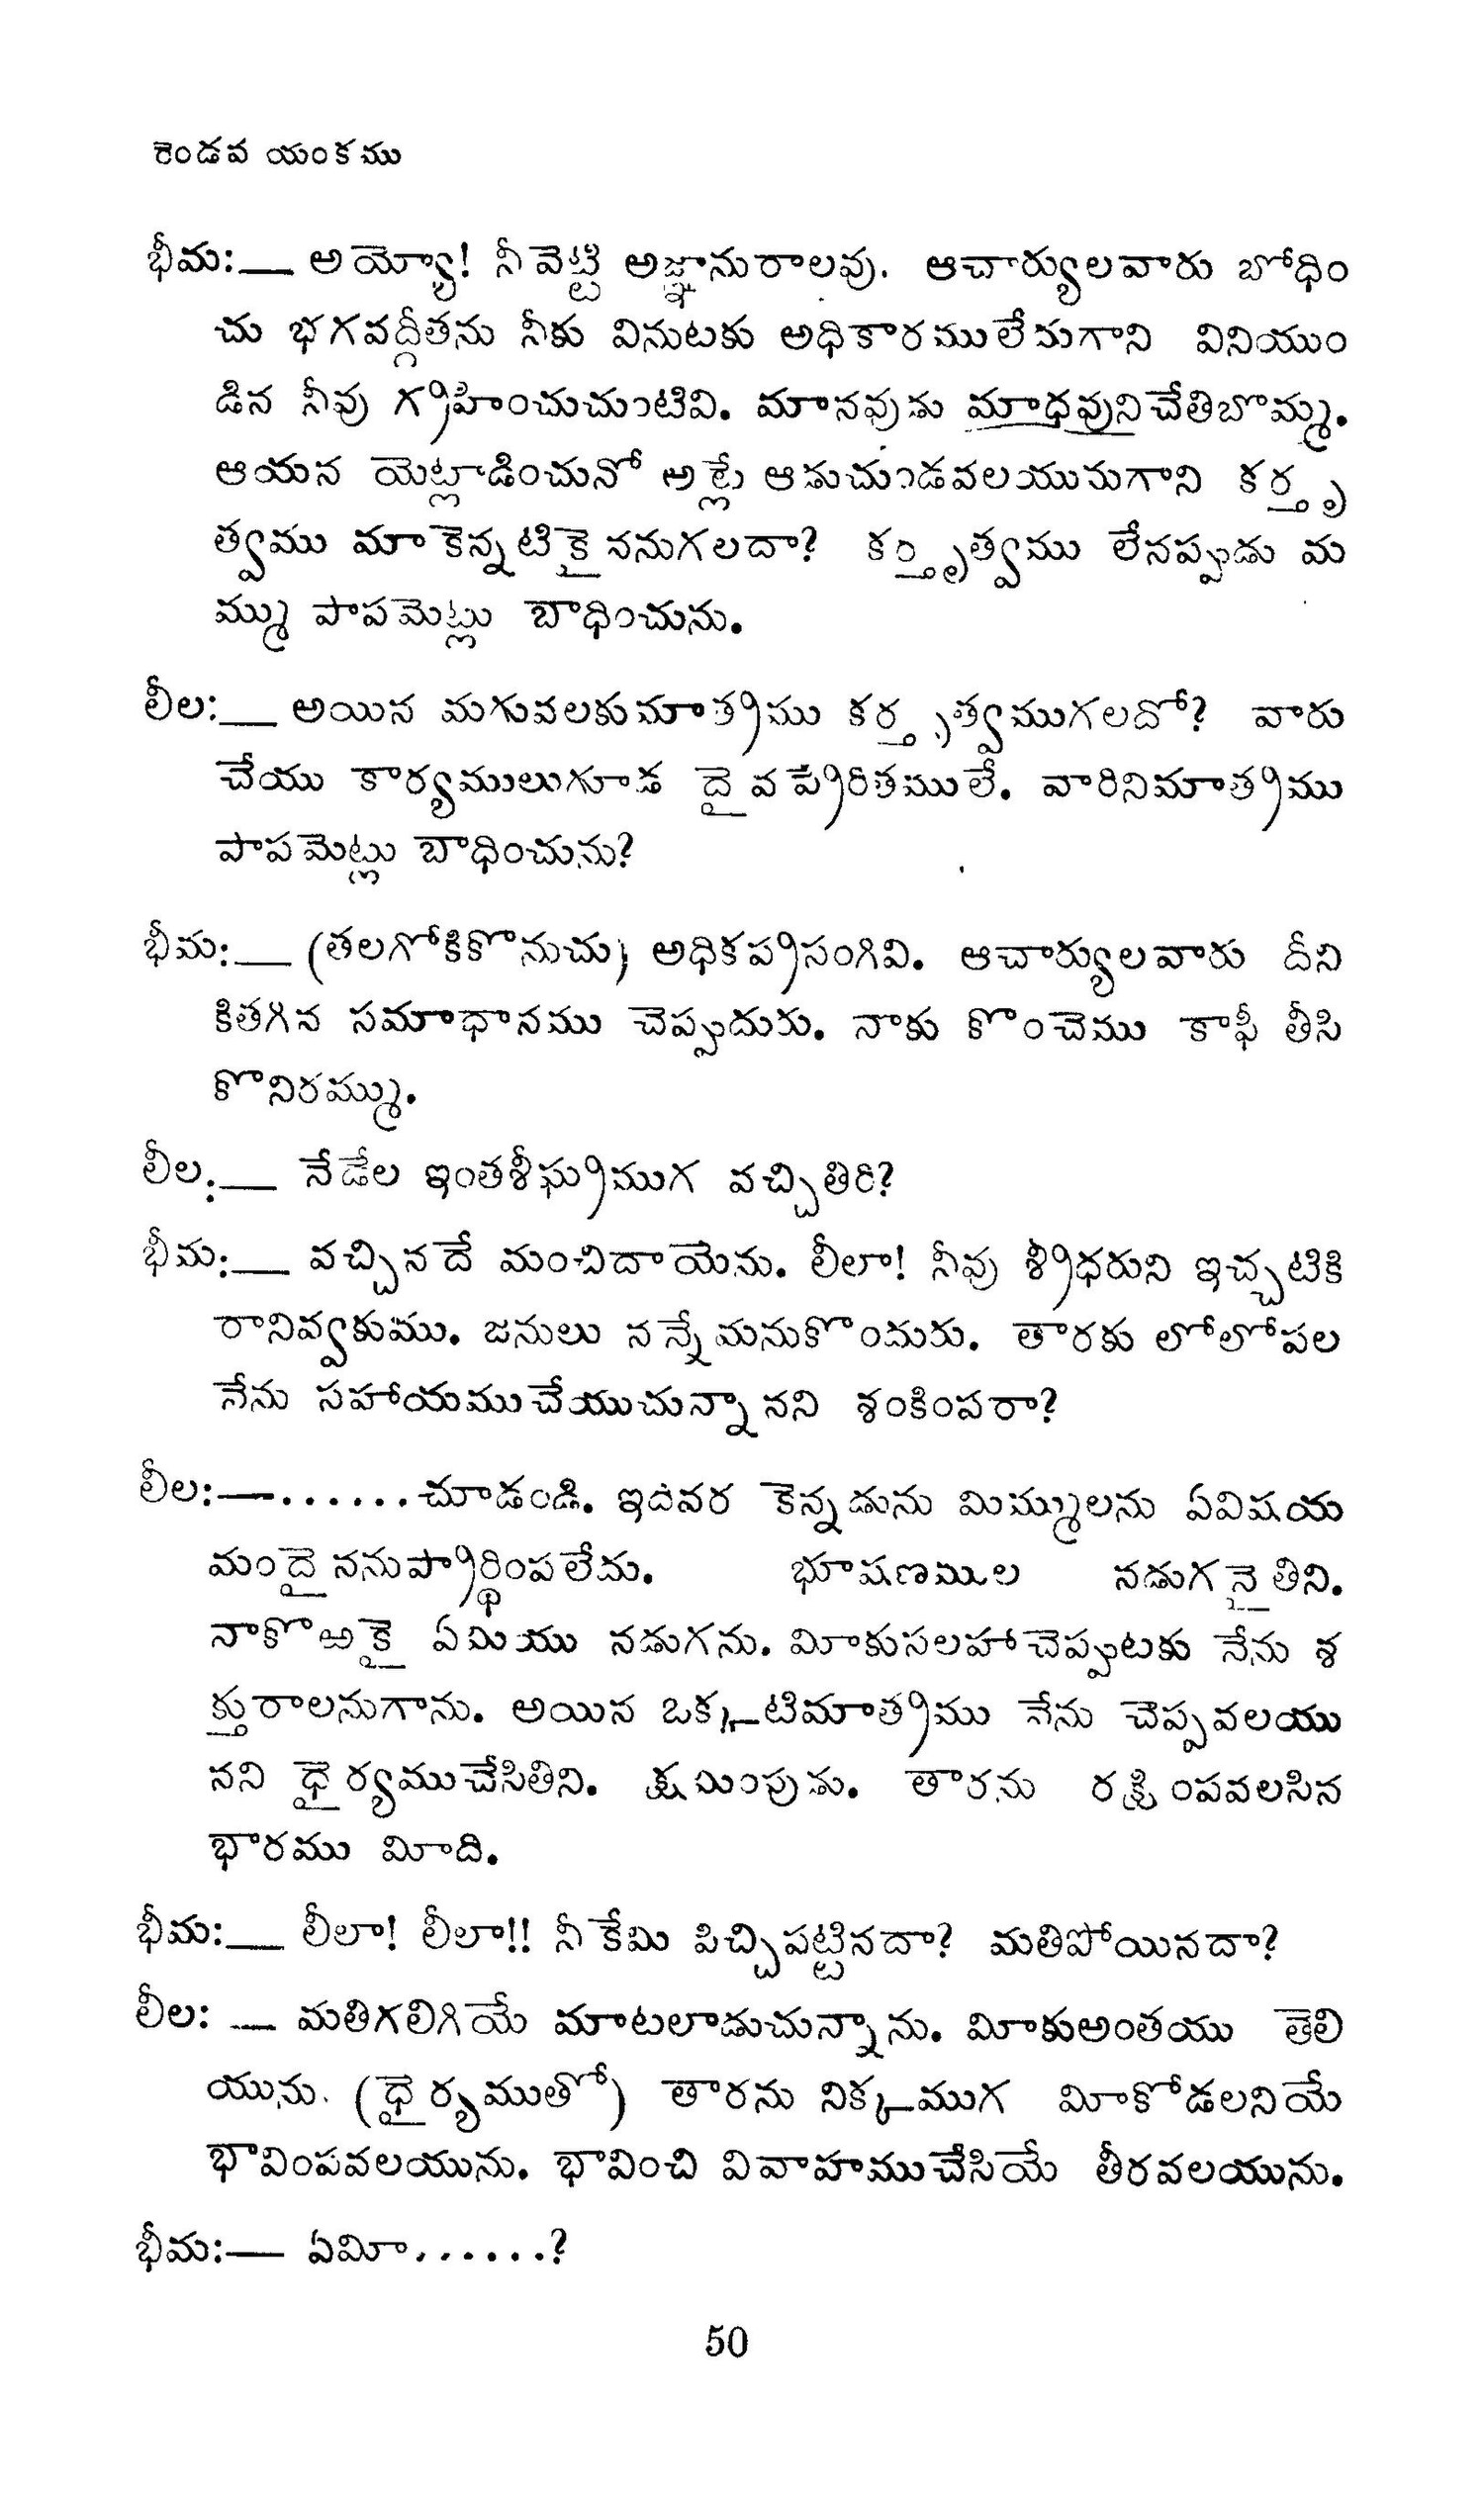భీమ:- అయ్యో! నీవెట్టి అజ్ఞానురాలవు. ఆచార్యులవారు బోధించు భగవద్గీతను నీకు వినుటకు అధికారము లేదు గాని వినియుండిన నీవుగ్రహించు చుంటివి. మానవుడు మాధవుని చేతిబొమ్మ. ఆయన యెట్లాడించునో అట్లే ఆడుచుండవలయును గాని కర్తృత్వము మాకెన్నటికైనను గలదా? కర్తృత్వము లేనప్పుడు మమ్ము పాపమెట్లు బాధించును.

లీల:-అయినమగువలకు మాత్రము కర్తృత్వముగలదో? వారు చేయు కార్యములు గూడ దైవ ప్రేరితములే. వారిని మాత్రము పాపమెట్లు బాధించును?

భీమ:- (తలగోకుకొనుచు) అధిక ప్రసంగిని, అచార్యుల వారు దీనికి తగిన సమాధానము చెప్పుదురు. నాకు కొంచెము కాఫీతీసుకొని రమ్ము.

లీల:- నేడేల ఇంతకీశీఘ్రముగ వచ్చితిరి?

భీమ:- వచ్చినదే మంచిదాయెను. లీలా! నీవు శ్రీధరుని ఇచ్చటికి రానివ్వకుము. జనులు నన్నేమను కొందురు. తారకు లోలోపల నేను సహాయముచేయు చున్నానని శంకింపరా?

లీల:-.....చూడండి. ఇదివర కెన్నడును మిమ్ములను ఏవిషయమందైనను ప్రార్ధింపలేదు. భూషణముల నడుగ నైతిని. నాకొఱకై ఏమియు నడుగను. మీకు సలహాచెప్పుటకు నేనుశక్తురాలను గాను. అయిన ఒక్కటి మాత్రము నేనుచెప్పవ లయునని ధైర్యము చేసితిని. క్షమింపుడు. తారను రక్షింపవలసిన భారము మీది.

భీమ:-లీలా! లీలా!! నీకేమి పిచ్చిపట్టినదా? మతిపోయినదా? 

లీల:-మతి గలిగియే మాటలాడు చున్నాను. మీకు అంతయు తెలియును. (ధైర్యముతో) తారను నిక్కముగ మీకోడలనియే భావింప వలయును. భావించి వివాహముచేసియే తీరవలయును.

భీమ:-ఏమీ......?